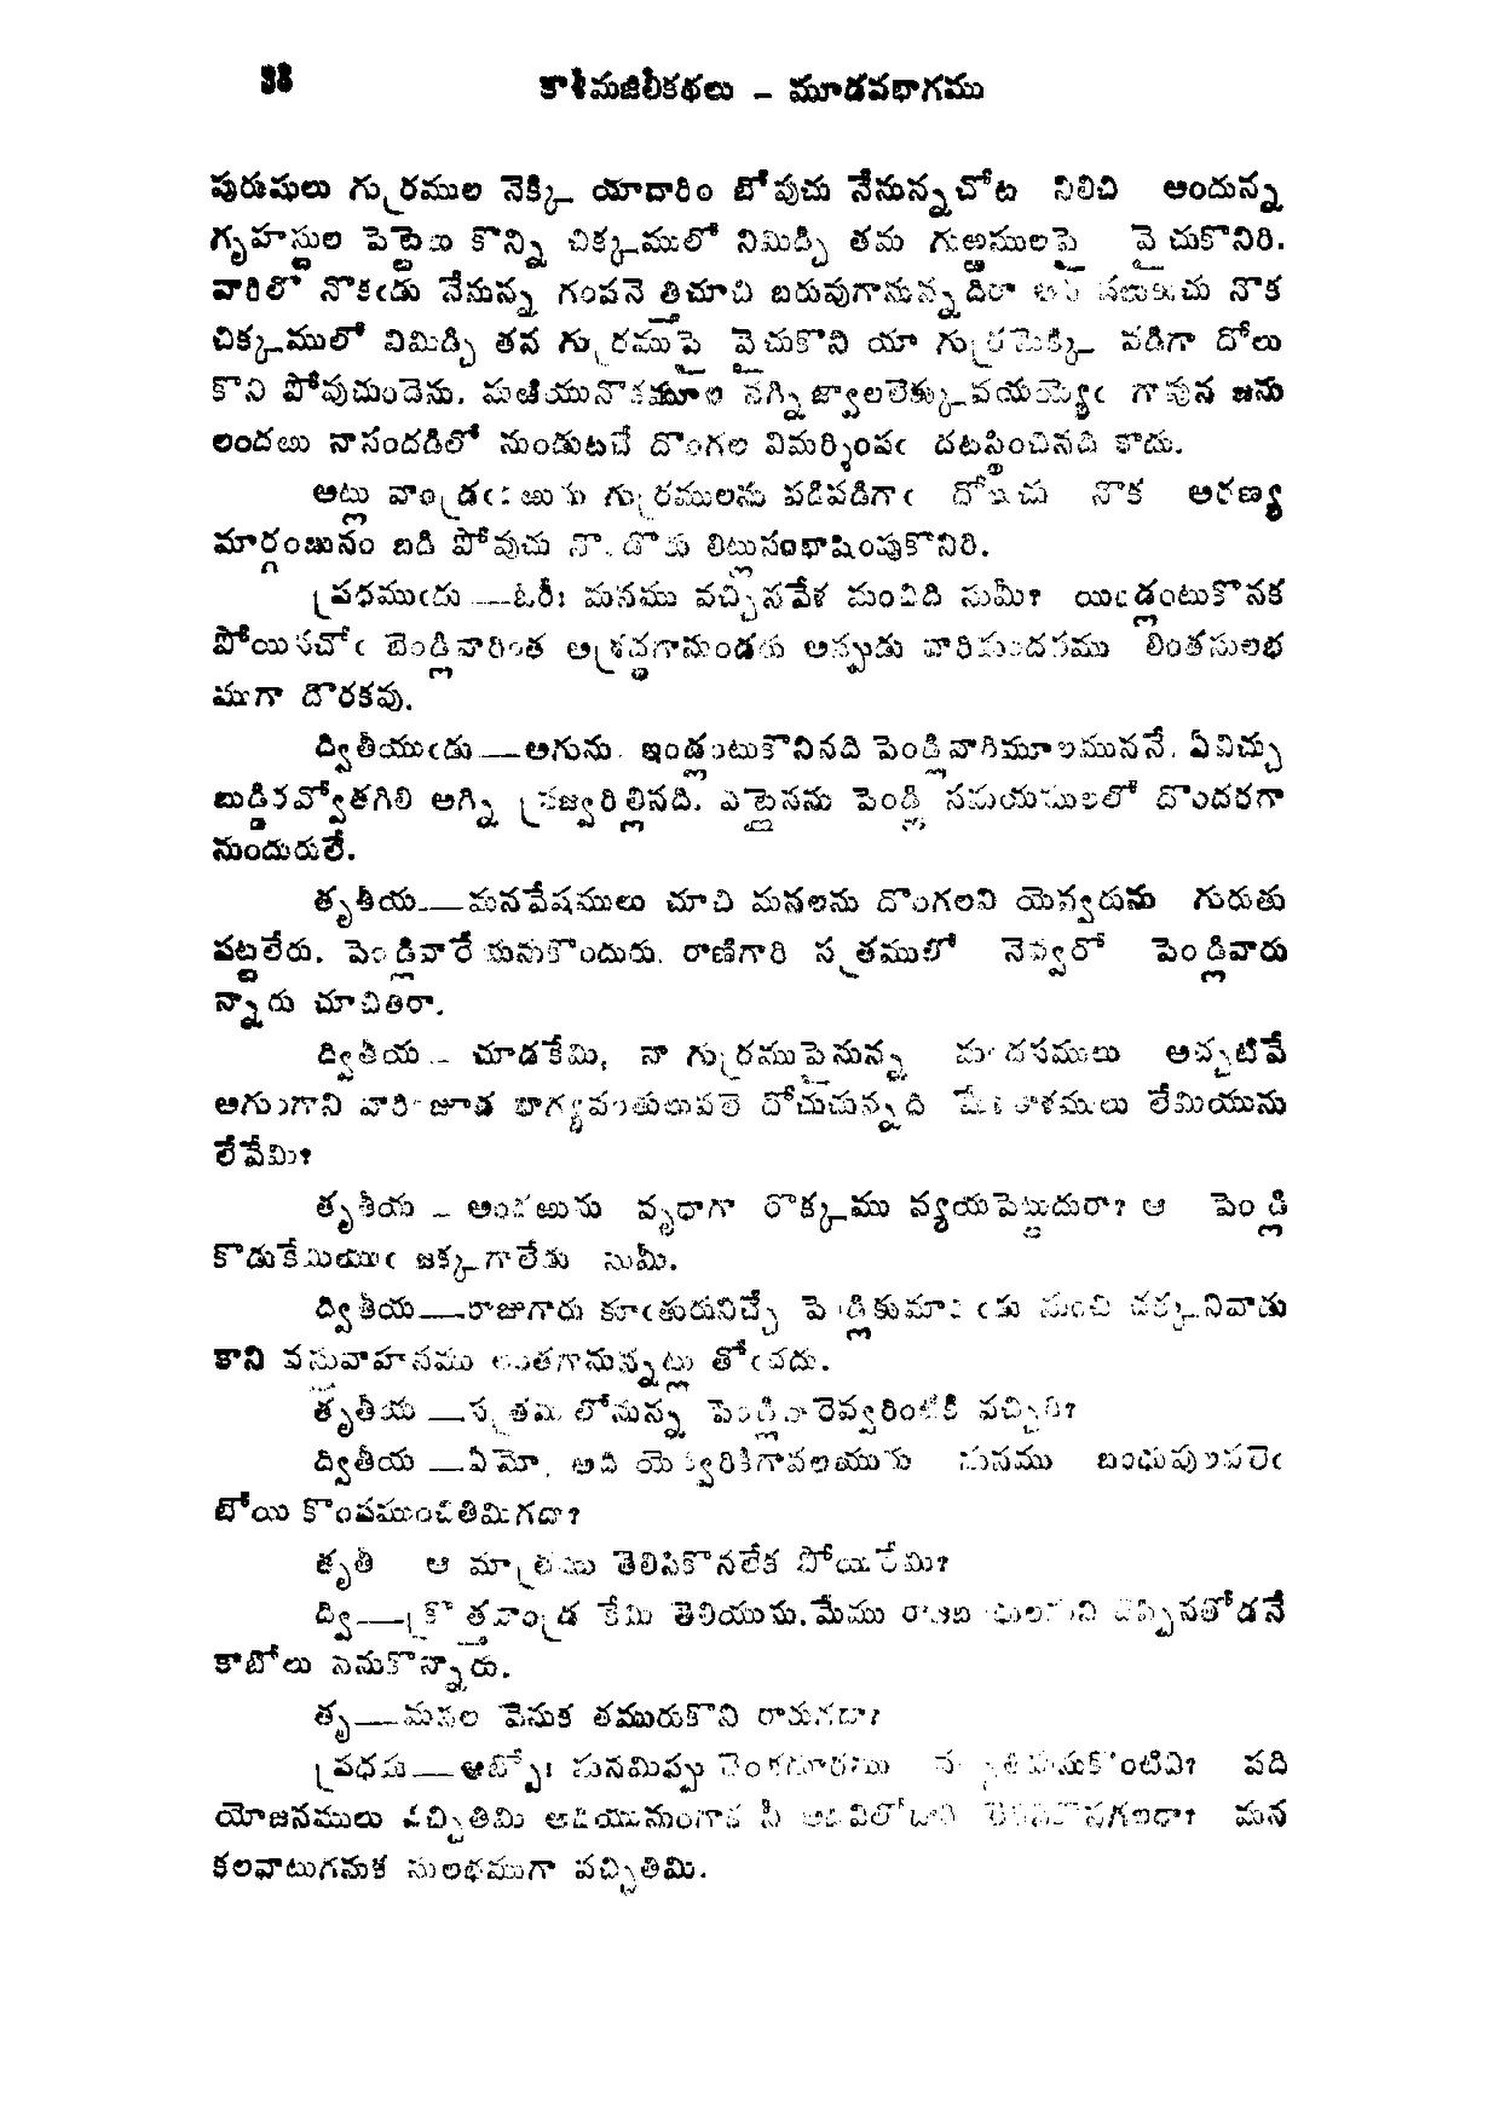పురుషులు గుర్రముల నెక్కి యాదారిం బోవుచు నేనున్నచోట నిలిచి అందున్న గృహస్థుల పెట్టెలు కొన్ని చిక్కములో నిమిడ్చి తమ గుఱ్ఱములపై వైచుకొనిరి. వారిలో నొకఁడు నేనున్న గంపనెత్తిచూచి బరువుగానున్నదిరా అని పలుకుచు నొక చిక్కములో నిమిడ్చి తన గుర్రముపై వైచుకొని యా గుర్రమెక్కి వడిగా దోలుకొని పోవుచుండెను. మఱియునొకమూల నగ్నిజ్వాలలెక్కువయయ్యెఁ గావున జను లందఱు నాసందడిలో నుండుటచే దొంగల విమర్శింపఁ దటస్థించినది కాదు.

అట్లు వాండ్రందఱును గుర్రములను వడివడిగాఁ దోలుచు నొక అరణ్య మార్గంబునం బడి పోవుచు నొండొరు లిట్లుసంభాషింపుకొనిరి.

ప్రధముఁడు -- ఓరీ! మనము వచ్చినవేళ మంచిది సుమీ ? యిండ్లంటుకొనక పోయినచోఁ బెండ్లివారింత అశ్రద్ధగానుండరు అప్పుడు వారిమందరము లింతసులభముగా దొరకవు.

ద్వితీయుఁడు -- అగును. ఇండ్లంటుకొనినది పెండ్లివారిమూలముననే. ఏవిచ్చుబుడ్డిరవ్వో తగిలి అగ్ని ప్రజ్వరిల్లినది. ఎట్లైనను పెండ్లి సమయములలో దొందరగా నుందురులే.

తృతీయ - మనవేషములు చూచి మనలను దొంగలని యెవ్వరును గురుతు పట్టలేరు. పెండ్లివారే యనుకొందురు. రాణిగారి సత్రములో నెవ్వరో పెండ్లివారున్నారు చూచితిరా.

ద్వితీయ - చూడకేమి, నా గుర్రముపైనున్న మందసములు అచ్చటివే అగుంగాని వారి జాడ భాగ్యవంతులువలె దోచుచున్నది. మేళతాళములు లేమియును లేవేమి?

తృతీయ - అందఱును వృధాగా రొక్కము వ్యయపెట్టుదురా? ఆ పెండ్లికొడు కేమియుఁ జక్కగాలేడు సుమీ.

ద్వితీయ — రాజుగారు కూఁతురునిచ్చే పెండ్లికుమారుఁడు మంచి చక్కనివాడు కాని వస్తువాహనము లంతగానున్నట్లు తోఁచదు.

తృతీయ - సత్రములోనున్న పెండ్లివారెవ్వరింటికి వచ్చిరి?

ద్వితీయ - ఏమో. అది యెవ్వరికి గావలయును మనము బంధువులవలెఁ బోయి కొంపముంచితిమి గదా?

తృతీ - ఆ మాత్రము తెలిసికొనలేక పోయిరేమి?

ద్వి - క్రొత్తవాండ్ర కేమి తెలియును. మేము రాజభటులమని చెప్పినతోడనే కాబోలు ననుకొన్నారు.

తృ - మనల వెనుక తరుముకొని రారుగదా?

ప్రధమ - అబ్బో! మనమిప్పు డెంతదూరము వచ్చితిమనుకొంటివి? పది యోజనములు వచ్చితిమి అదియునుంగాక నీ అడవిలోదారి తెలిసికొనగలరా? మన కలవాటుగనుక సులభముగా వచ్చితిమి.